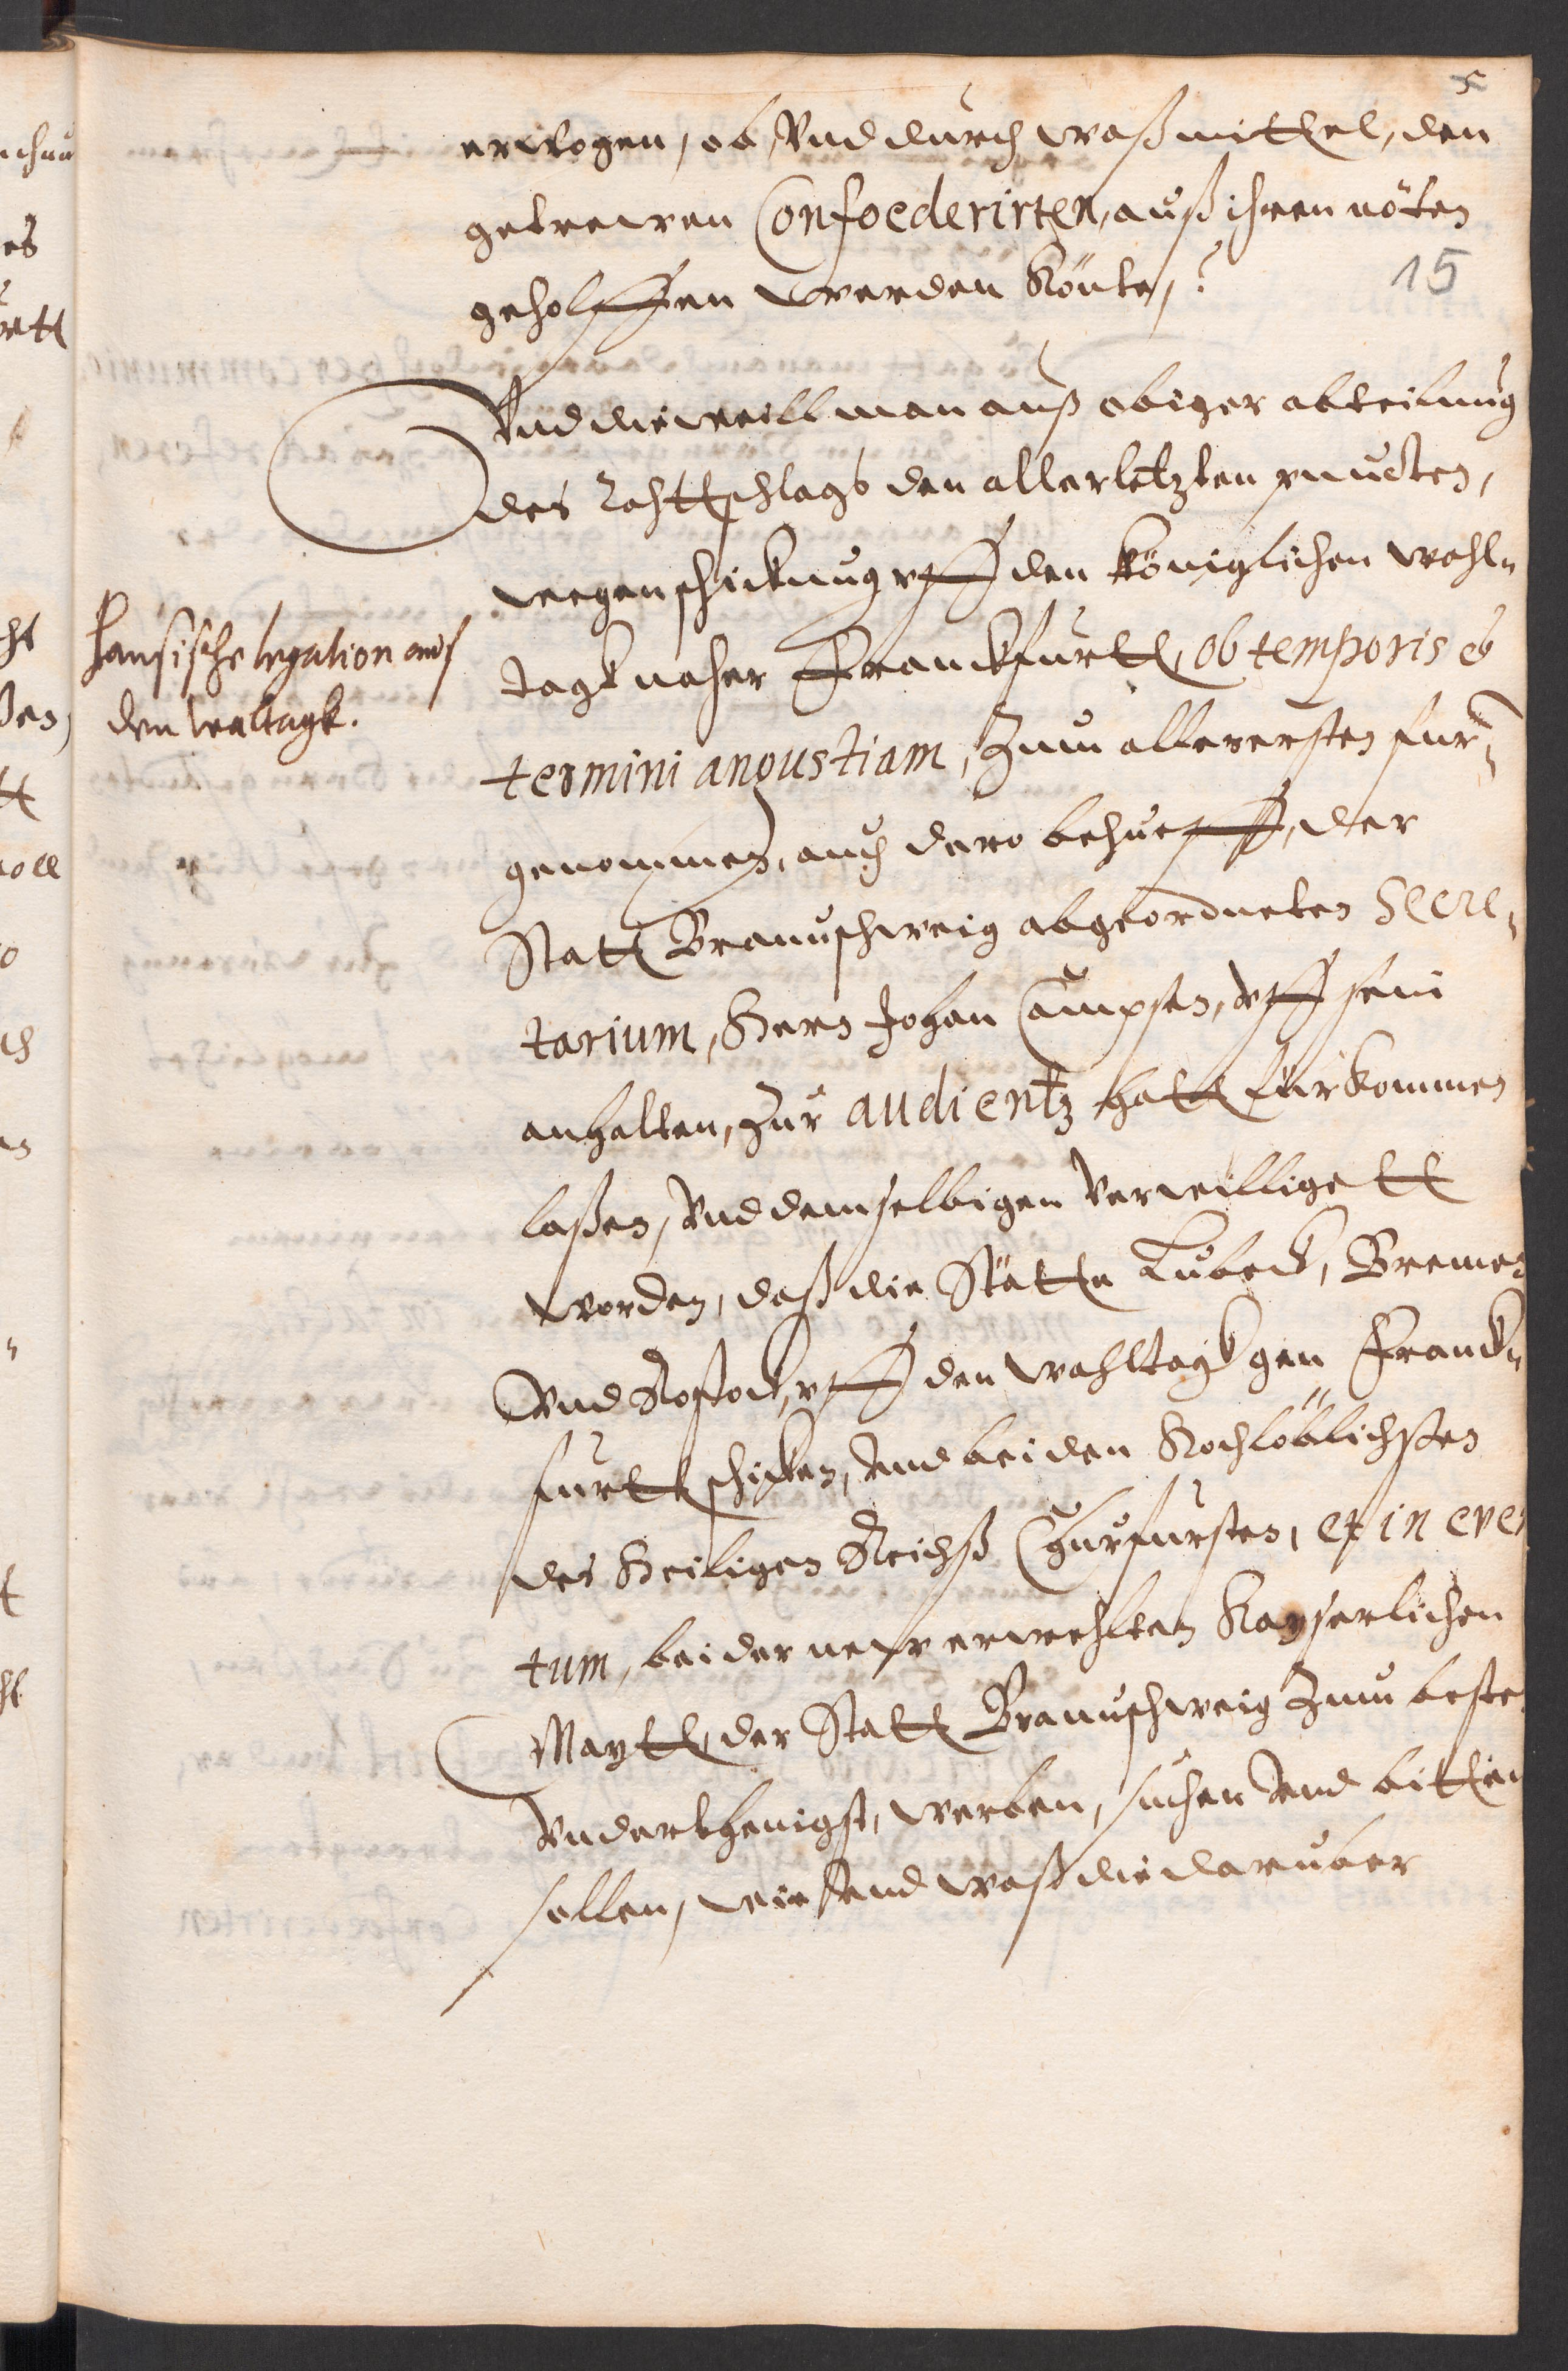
erwogen, ob vnd durch waß mittel, den
getrewen Confoederirten, auß ihren nöten
geholffen werden könte, ?
Vnd die weill man auß obiger abteilung
des rahttschlags den allerletzten puncten,
wegen schickung vff den königlichen wahl¬
tagk naher Franckfurtt, ob temporis &
termini angustiam, zum allerersten fur¬
genommen, auch dero behueff, der
Statt Braunschweig abgeordneten secre¬
tarium, Hern Johan Campfen, vff sein
anhalten, zur audientz hatt fürkommen
laßen, vnd demselbigen verwilligett
worden, daß die Stätte Lubeck, Bremen
vnd Rostock, vff den wahltagk gen Franck¬
furtt schicken, vnd bei den Hochlöblichsten
des Heiligen Reichß Churfursten, et in ere¬
tum, bei der new erwehlten Kayserlichen
Maytt, der Statt Braunschweig zum besten
vnderthenigst, werben, suchen vnd bitten
sollen, wie vnd waß die daruber
hansische legation auf
den waltagk.
